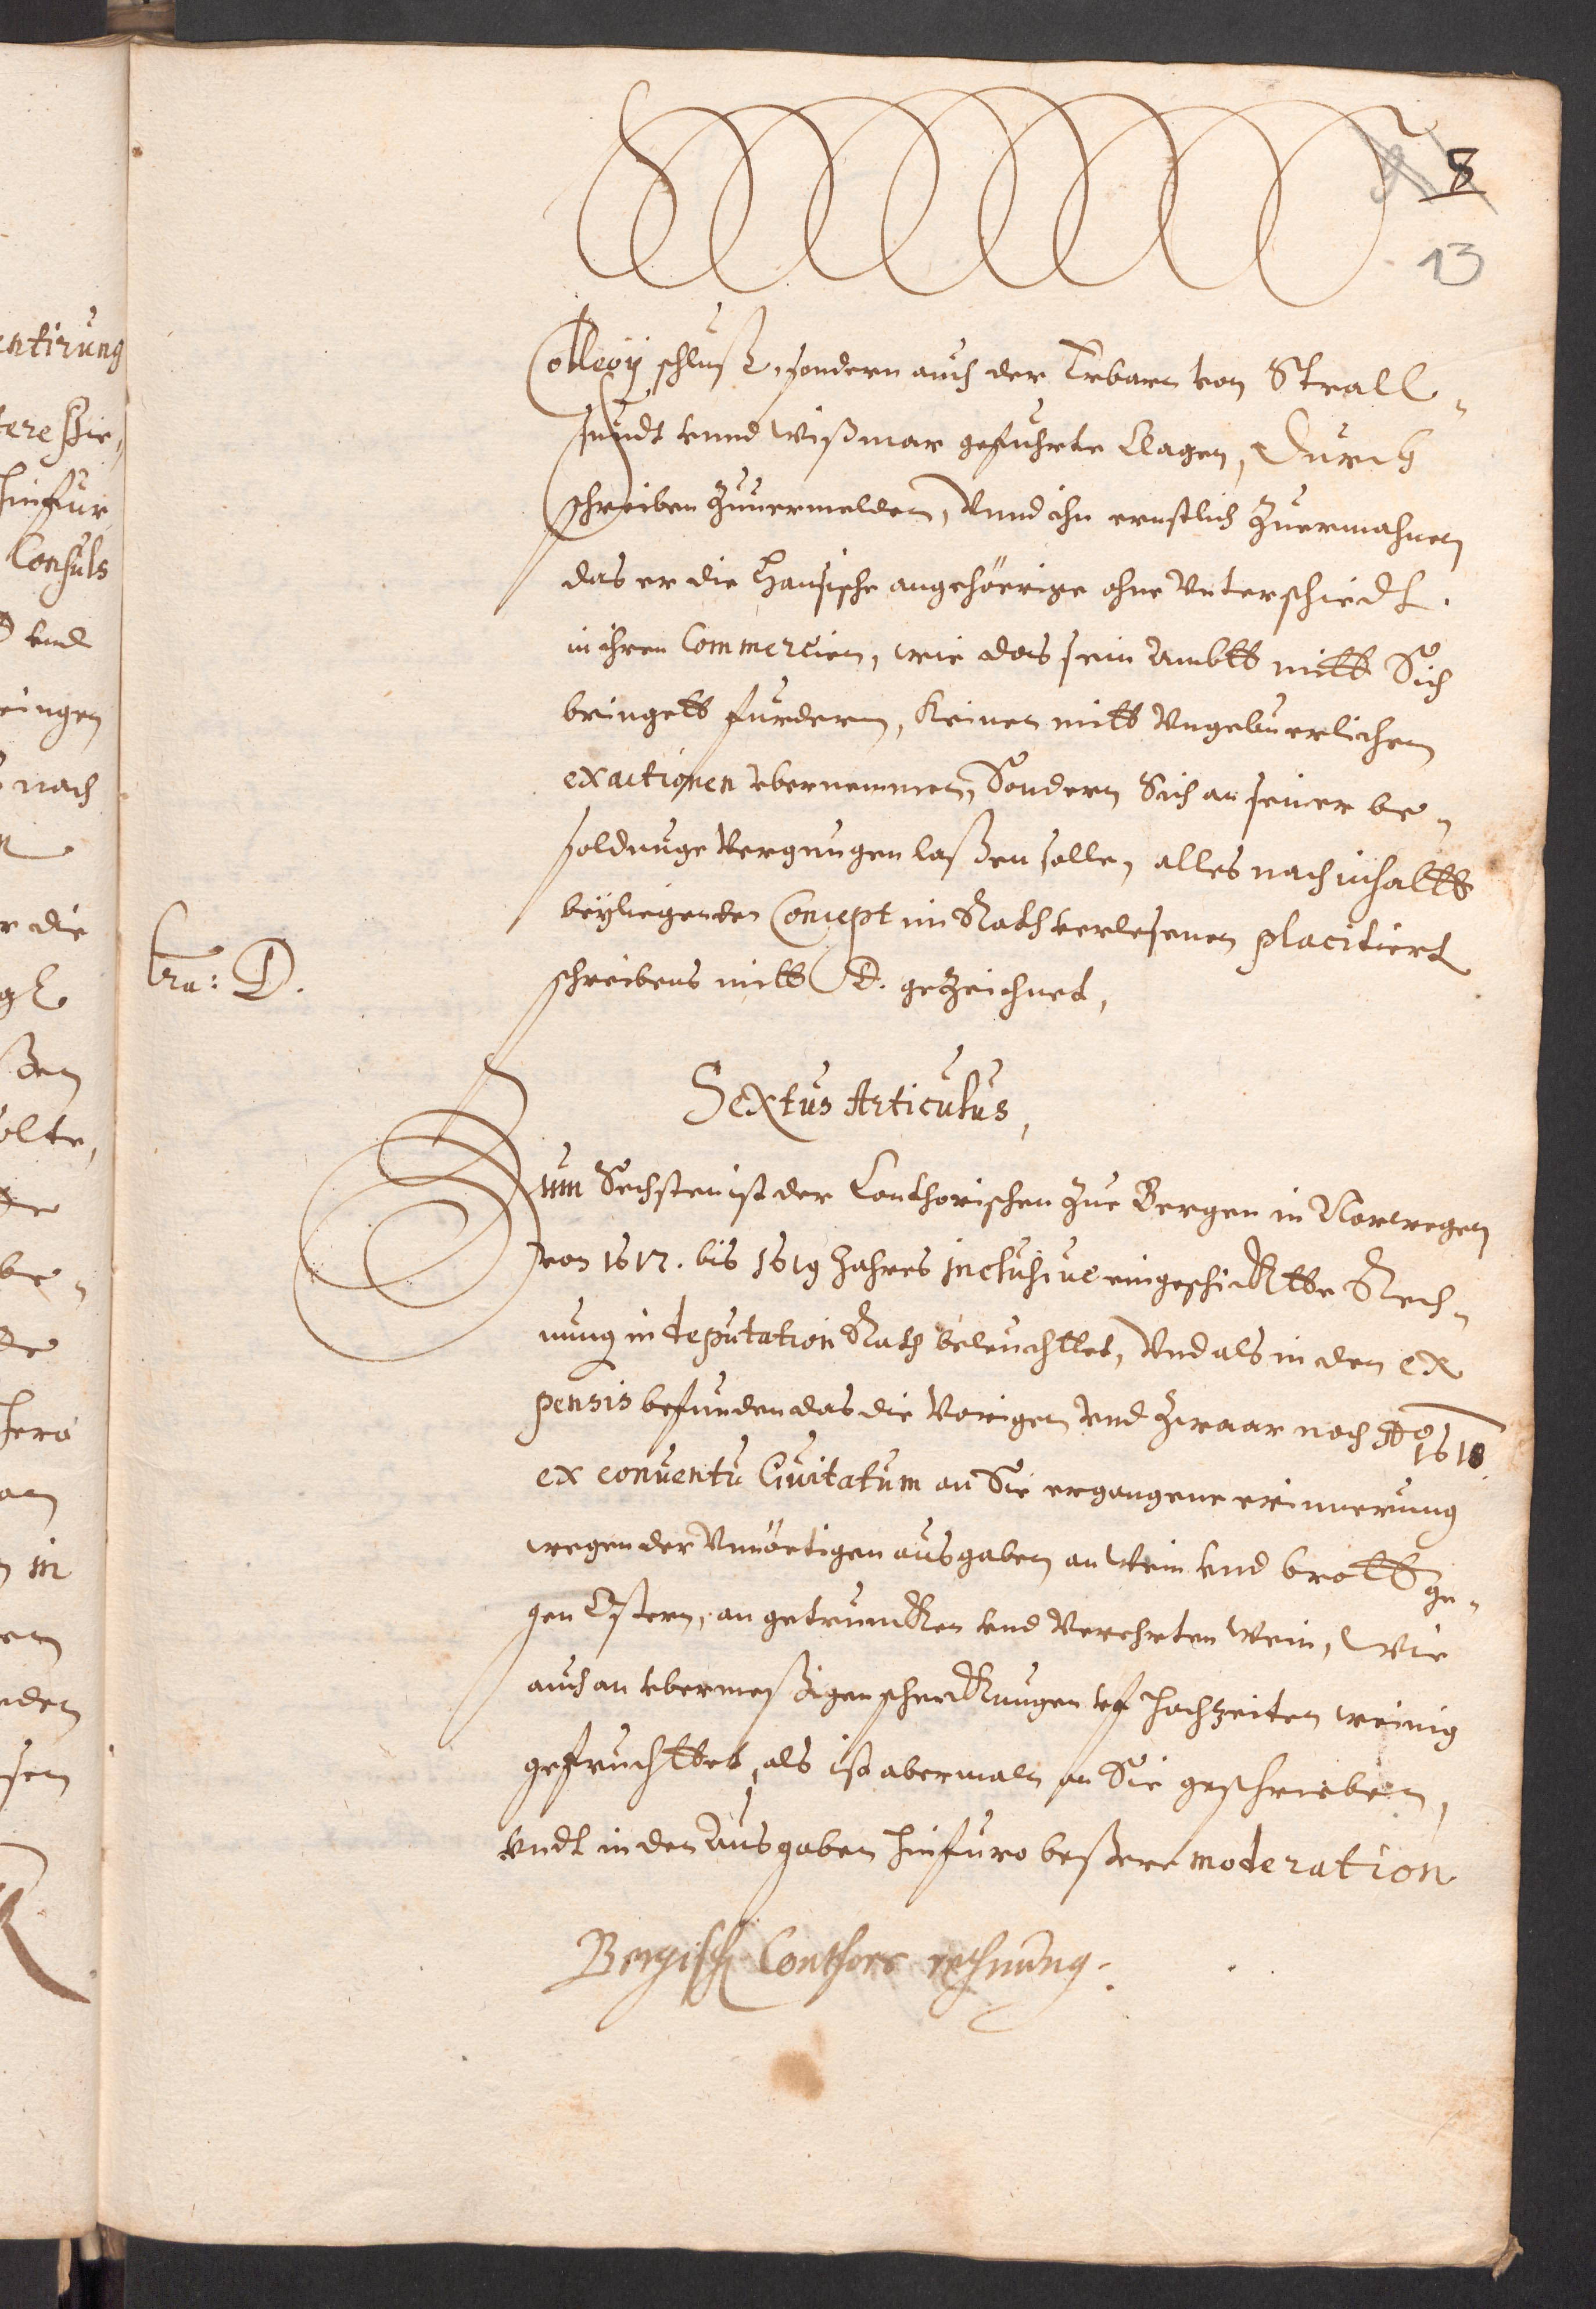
8
Collegij schluß, sondern auch der Erbarn von Strall¬
sundt vnnd wißmar gefuhrte Clagen, Durch
schreiben zuuermelden, Vnnd ihn ernstlich zuermahnen
das er die Hansische angehöerige ohne vnterschiedt
in ihren Commercien, wie das sein Ambtt mitt Sich
bringett furdern, keinen mitt Vngebuerlichen
exactionen vbernommen, Sondern Sich an seiner be¬
soldunge vergnugen laßen solle, alles nach inhaltt
beijliegenden Concept im Rath verlesenen placitiert
schreibens mitt D. gezeichnet,
Sextus Articulus,
Zum Sechsten ist der Conthorischen zue Bergen in Norwegen
von 1617 bis 1619 Jahres inclusiue eingeschicktte Rech¬
nung in deputation Rath beleuchttet, Vnd als in den ex
pensis befunden das die vorigen vnd zwaar noch Anno 1618
ex conuentu Ciuitatum an Sie ergangene erinnerung
wegen der Vnnöetigen ausgaben an wein vnd brott ge¬
gen Ostern, an getruncken vnd verehrten wein, wie
auch an vbermaßigen schenckungen vf hochzeiten weinig
gefruchttet, als ist abermaln an Sie geschrieben,
vndt in den Ausgaben hinfuro beßere moderation
Littera: D.
Bergisch Conthors rechnung.
